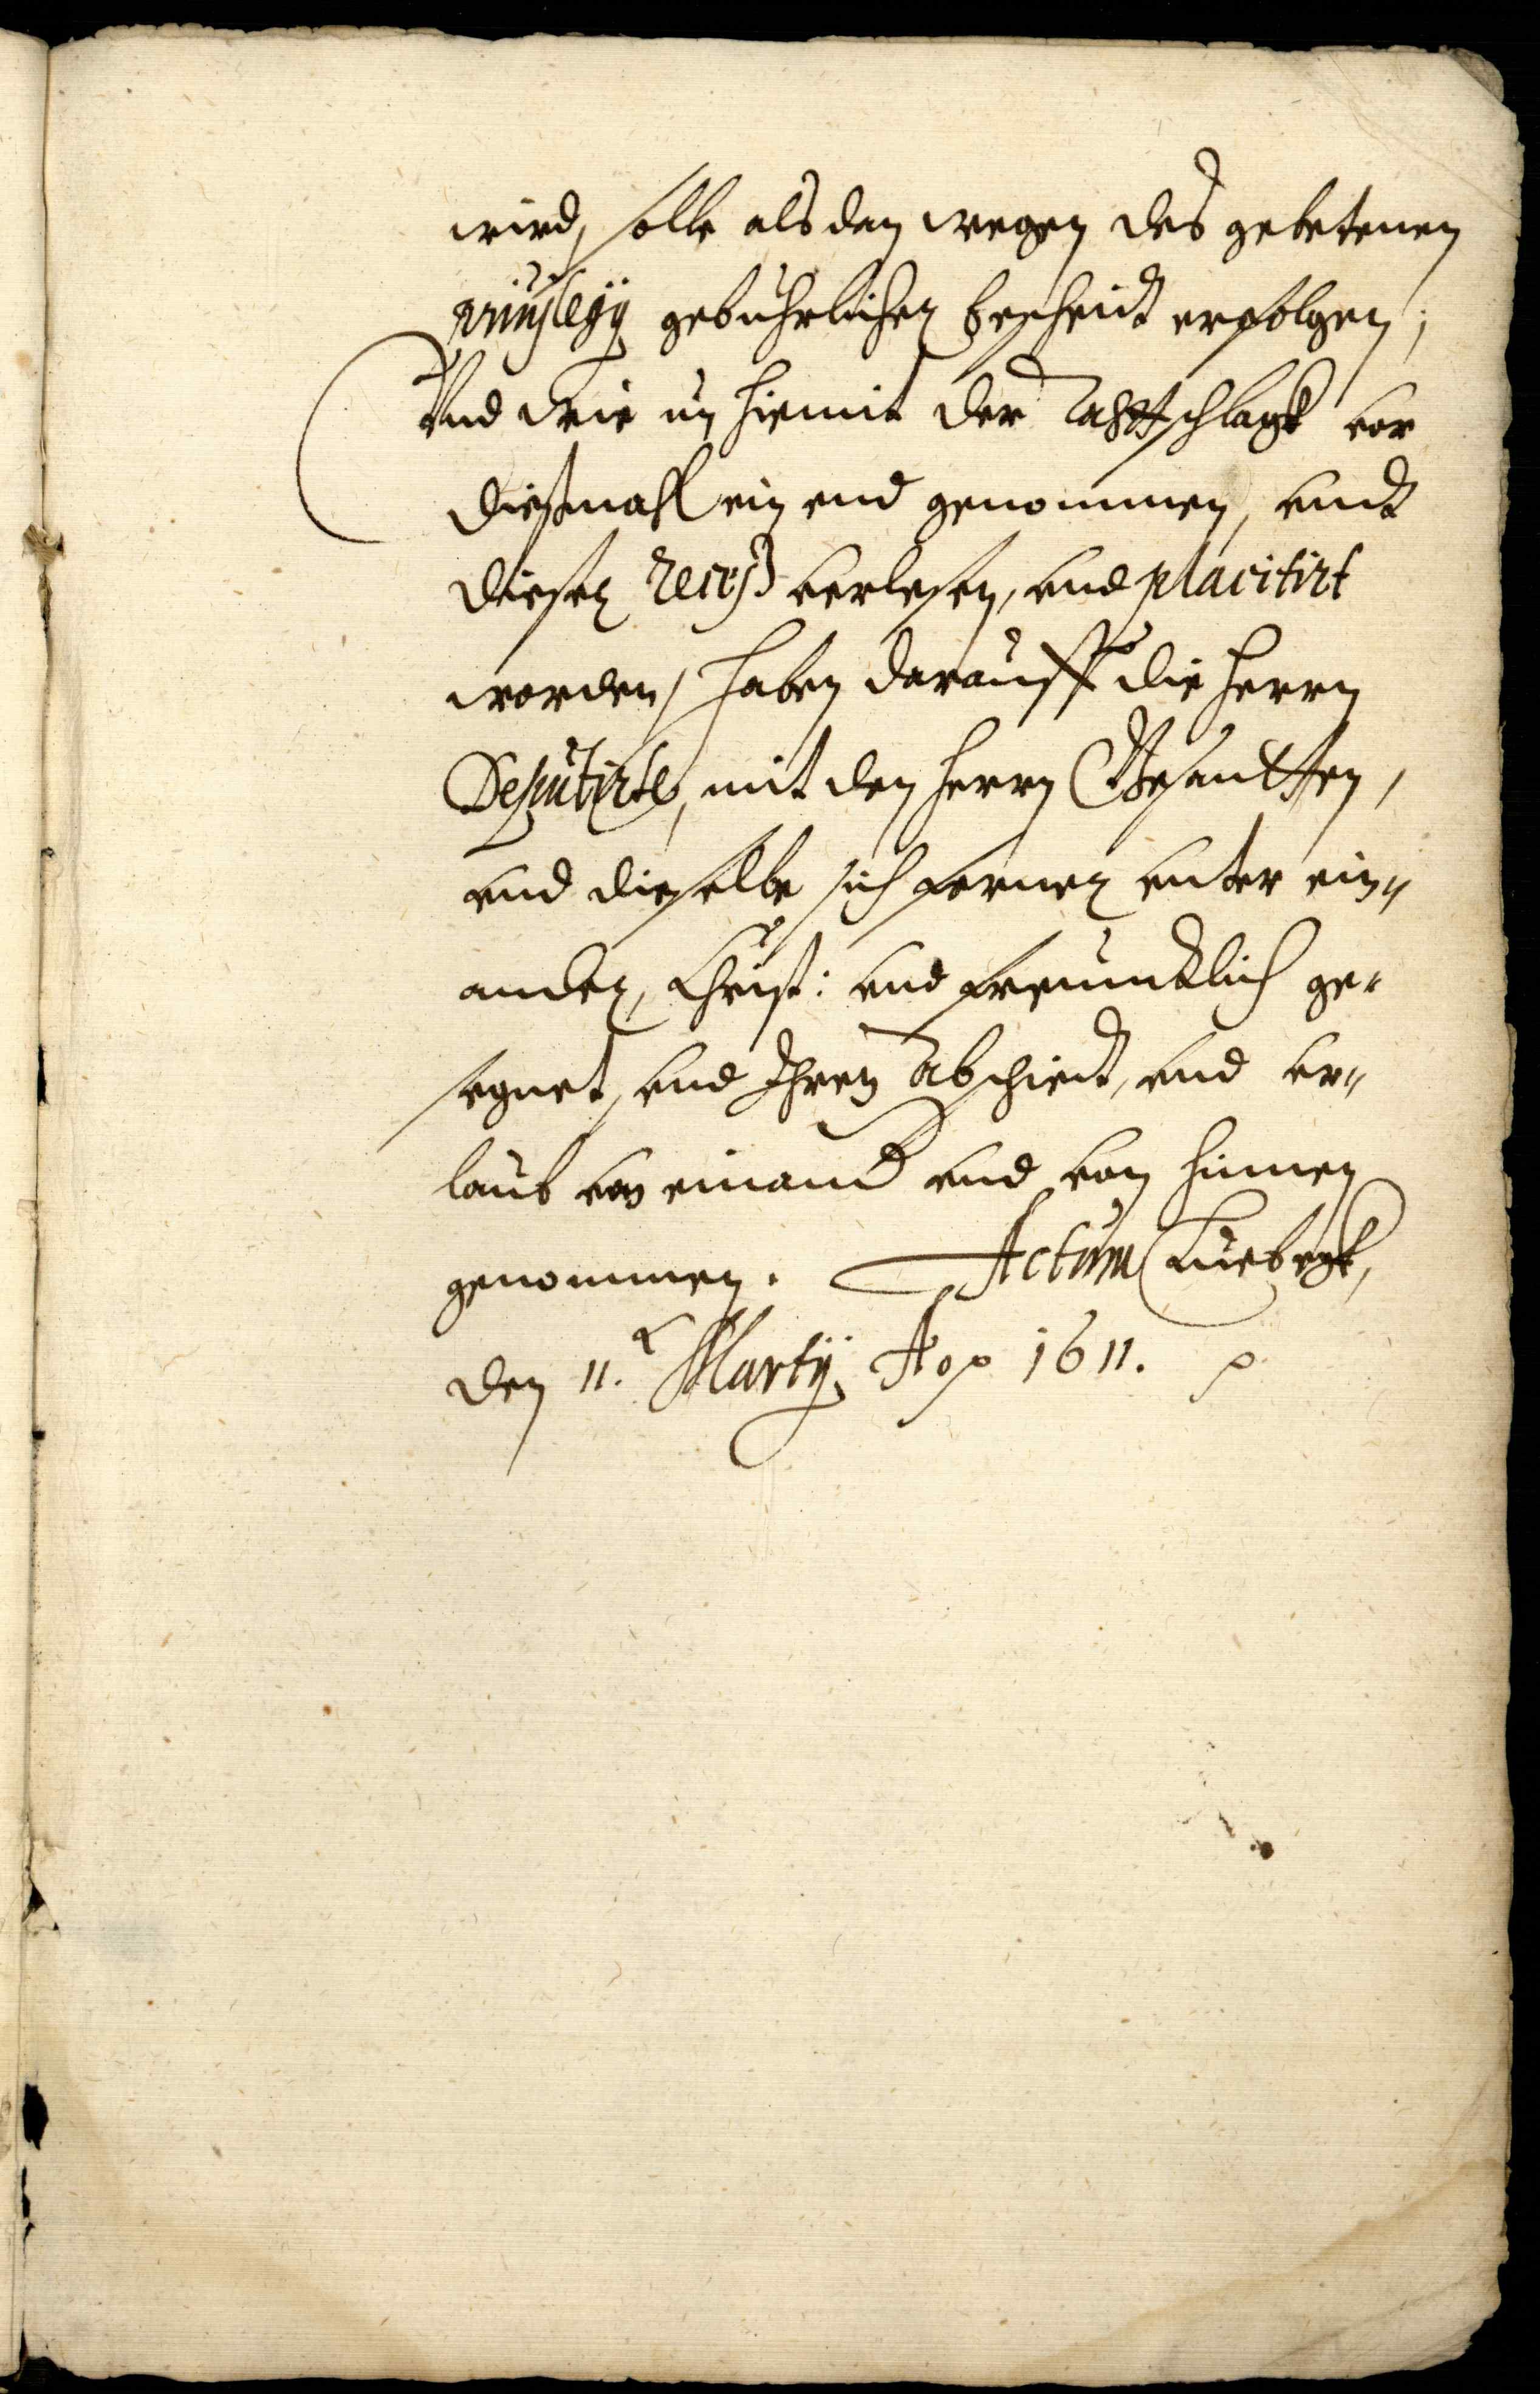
wird, solle als dan wegen des gebetenen
priujlegij gebuhrlicher bescheidt erfolgen;
Vnd wie nu hiemit der Rahttschlagk vor
dießmahl ein end genommen, vndt
dieser receß verlesen, vnd placitirt
worden, haben darauff die herrn
Deputirte, mit den herrn Gesantten,
vnd dieselbe sich ferner vnter ein¬
ander, Christ: vnd freundtlich ge¬
segnet, vnd Ihren Abschiedt, vnd vr¬
laub von einander vnd von hinnen
genommen. Actum Luebegk,
den 11. Martij Ao p 1611. p
